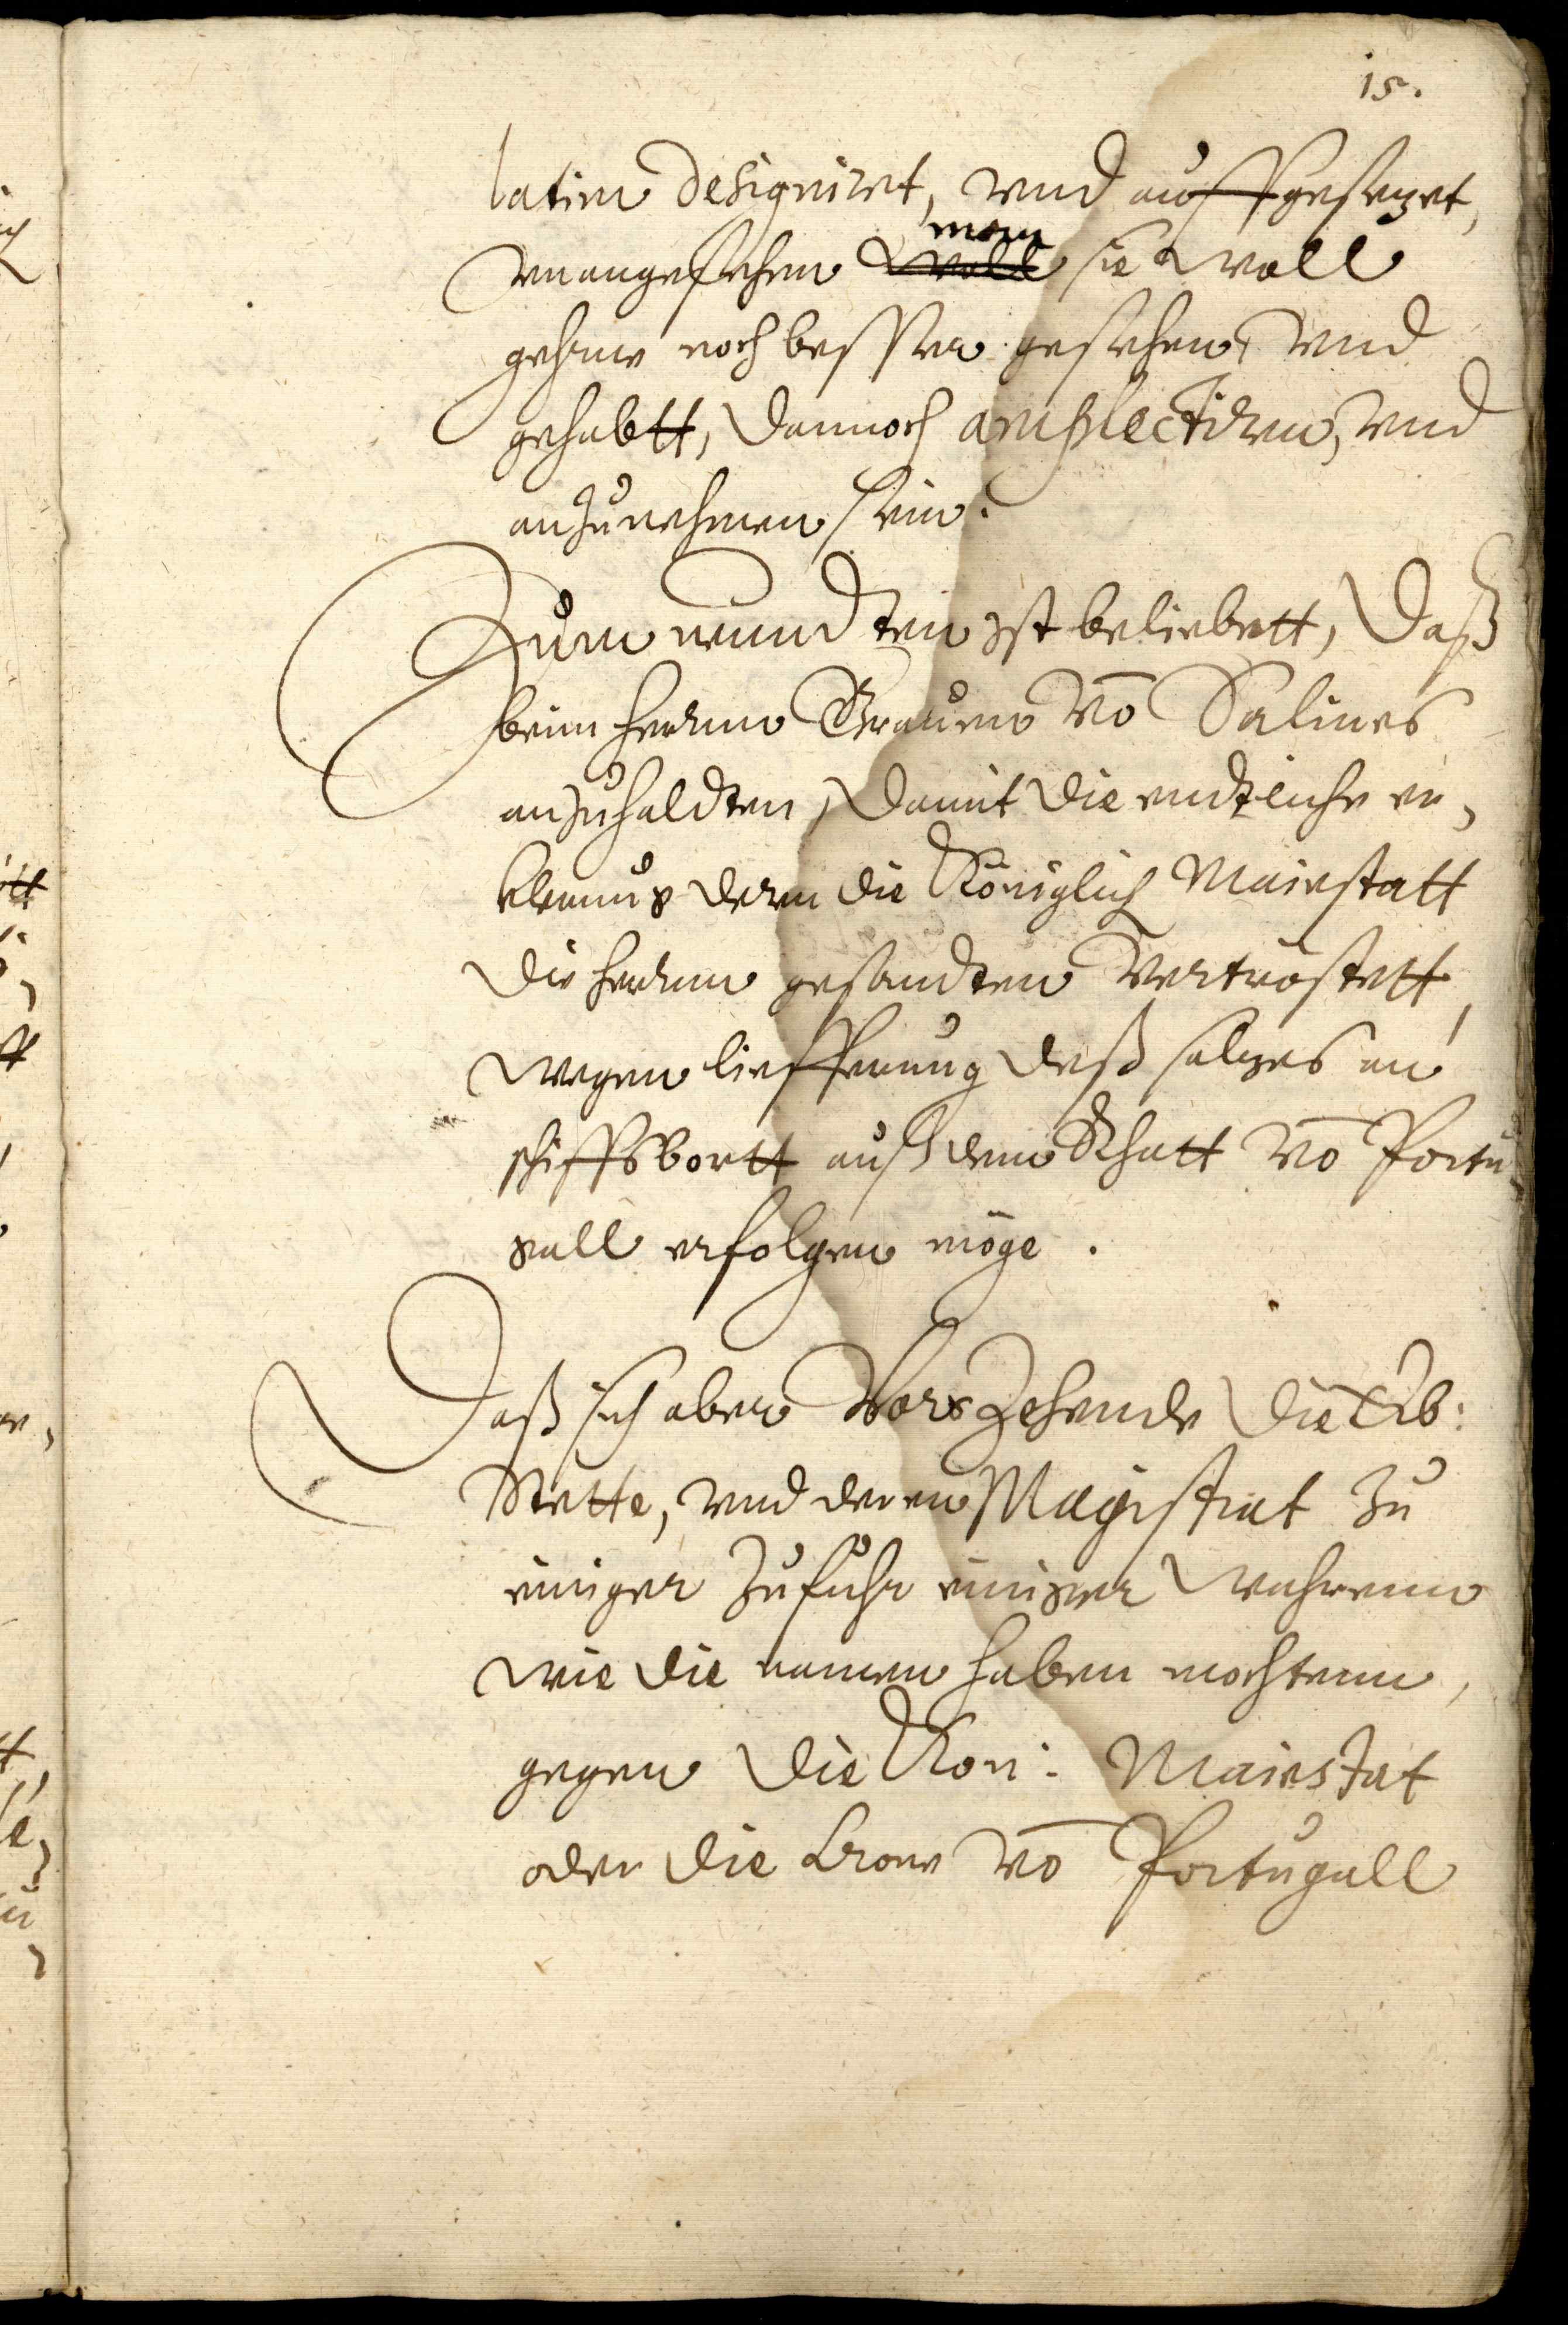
15.
latim Designiret, vnd auffgesezet,
moge
vnangesehen woll sie woll
gehrne noch besser gesehen vnd
gehabtt, dannoch amplectiren, vnd
anzunehmen sein.
Zum neundten ist beliebett, Daß
beim herrn Gratimo von Salines
anzuhaldten, damit die endtliche er¬
klerung deren die Königliche Maiestatt
die herrnn gesandten vertröstett,
wegen liefferung deß salzes an
schiffsbortt auß dem Rhatt von Portu¬
gall erfolgen möge.
Daß sich aber Vors Zehende die Erb:
Stette, vnd deren Magistrat zu
einiger Zufuhr einiger wahrenn
wie die namen haben mochtenn,
gegen die Kon: Maiestat
oder die Crone von Portugall
